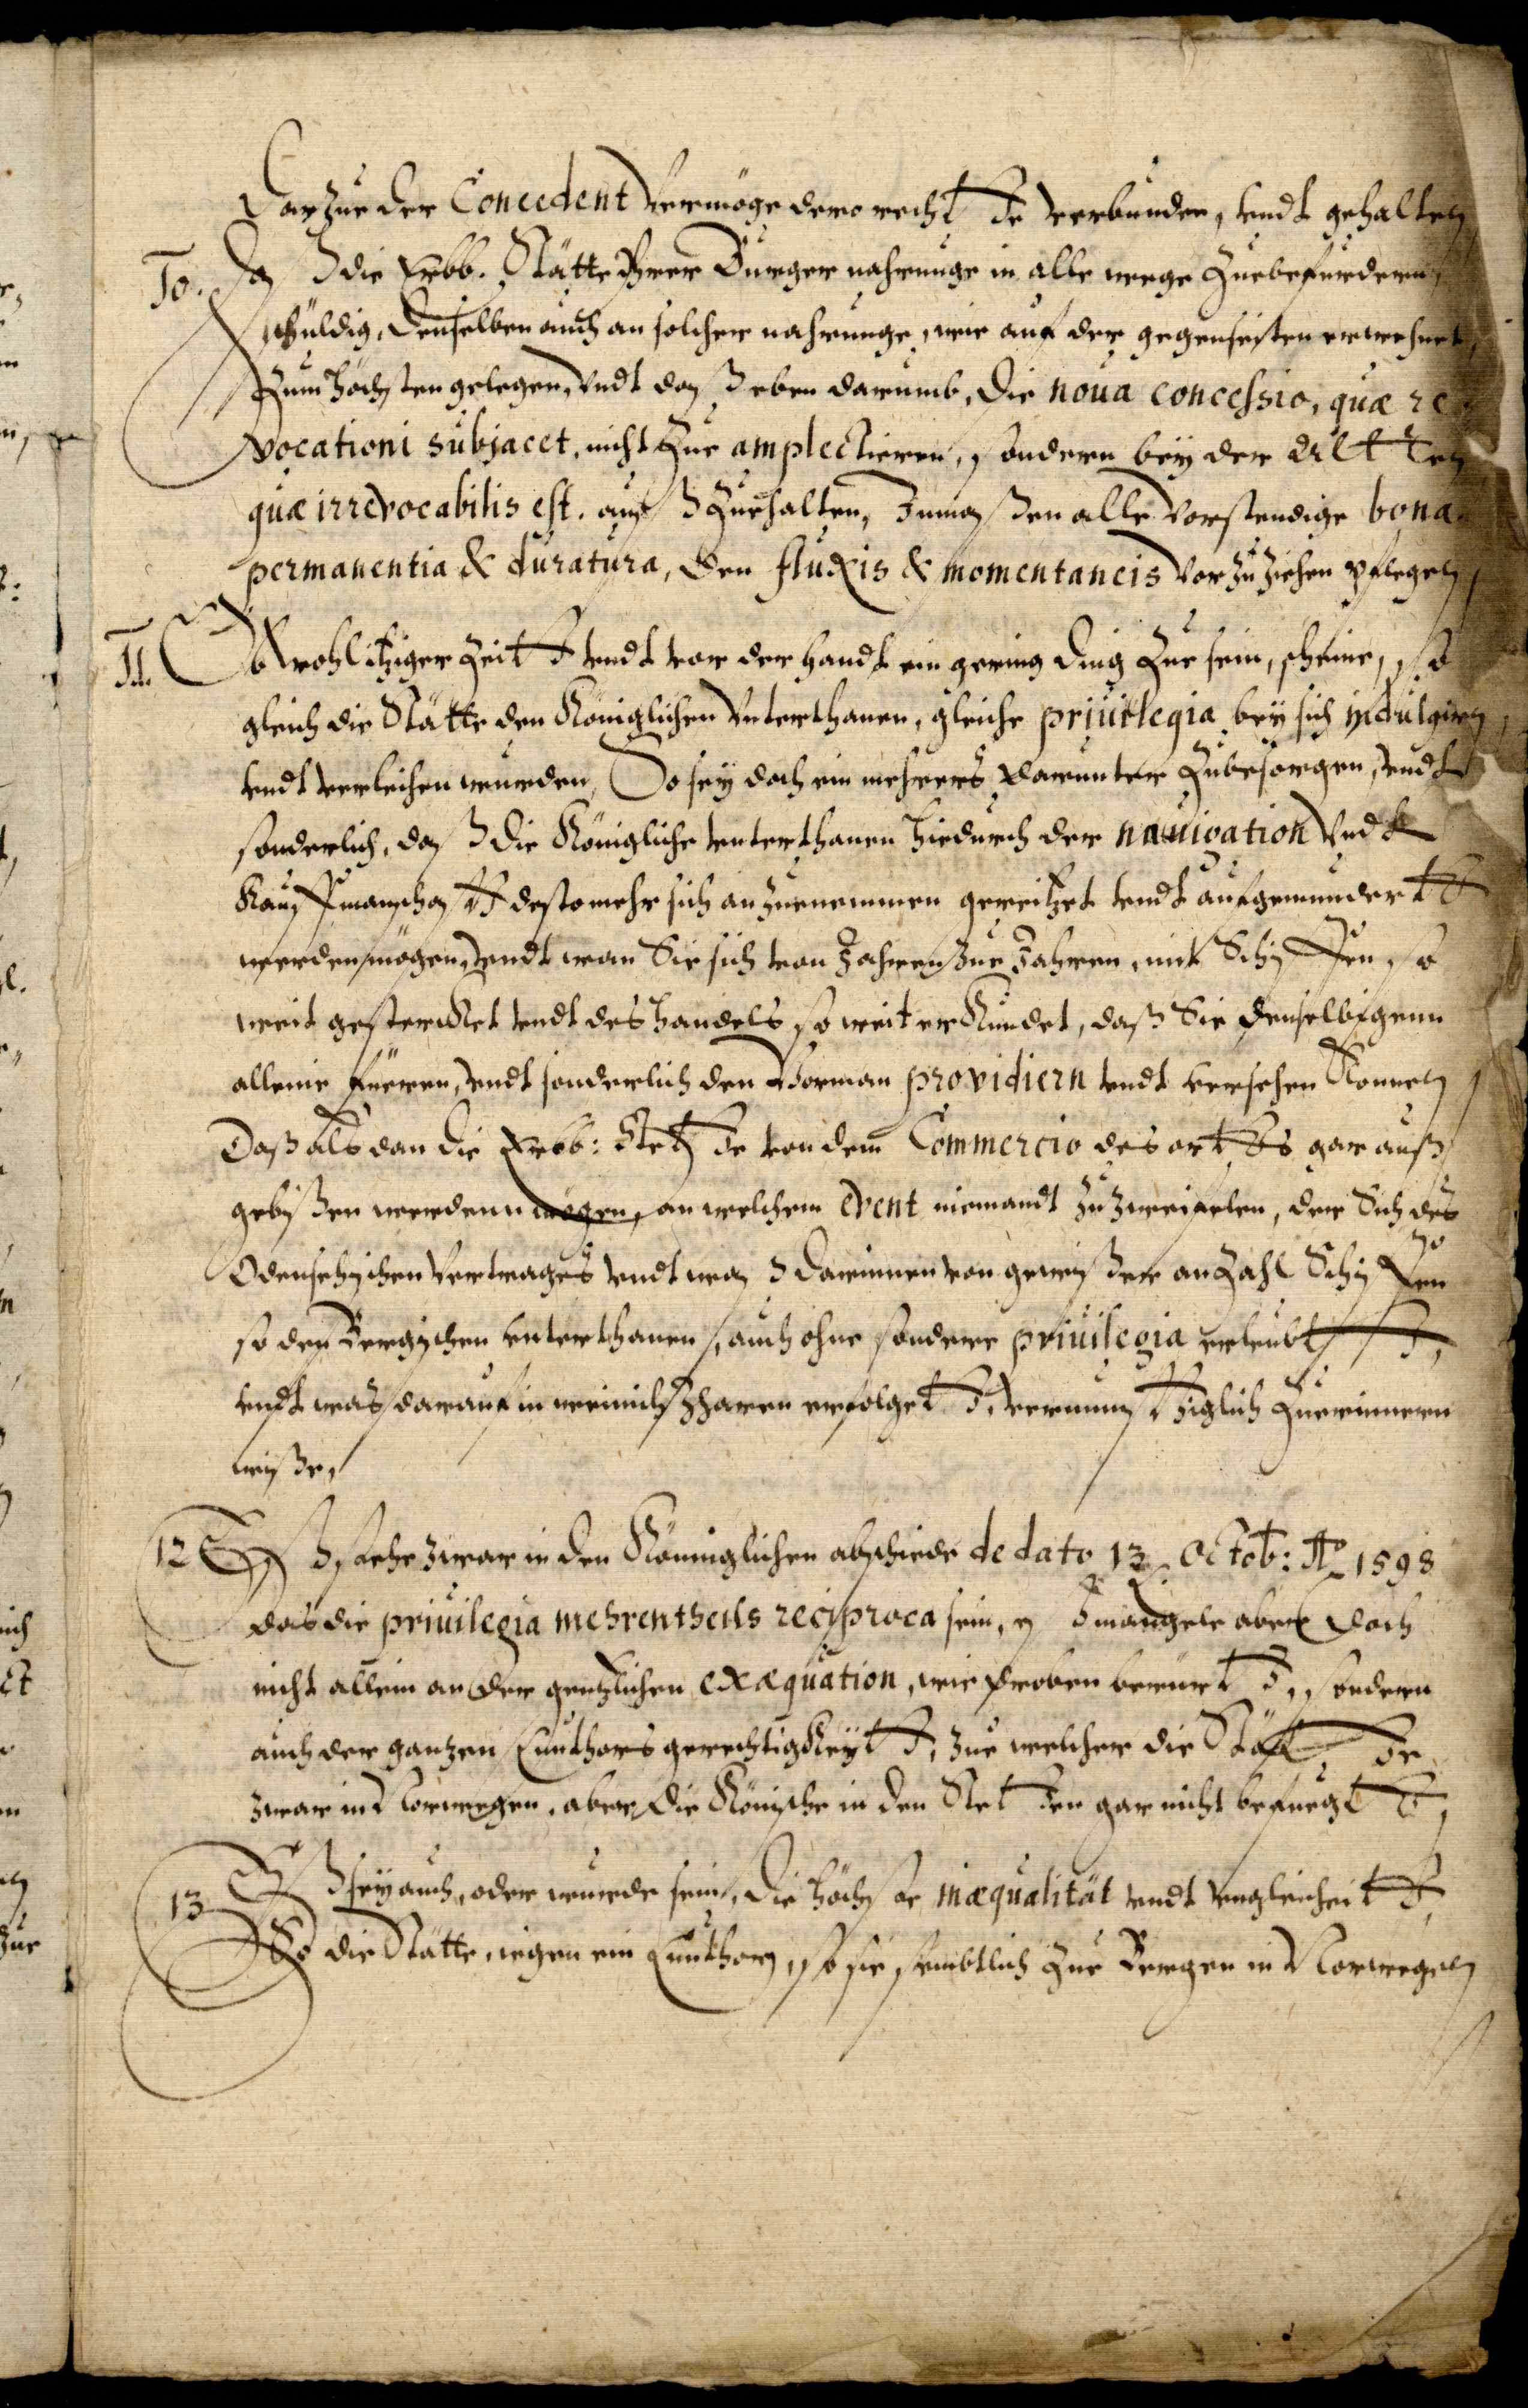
11.
10.
12
Darzue der Concedent Vermöge dero rechtte verbunden, vndt gehalten
Dan die Erbb. Stätte Ihrer Burger nahrunge in alle wege Zuebefurdern,
schüldig, denselben auch an solcher nahrunge, wie auf der gegenseiten erwehnet,
zum höchsten gelegen, Vndt daß eben darumb, die noua concessio, quae re¬
vocationi subjacet, nicht Zue amplectieren, sondern beij der Altten
quae irrevocabilis est, auß Zuehalten, Inmaßen alle Vorstendige bona
permanentia & duratura, den fluxis & momentaneis Vor zu ziehen pflegen,
Obwohl itziger Zeitt vndt vor der handt ein gering ding Zue sein, scheine, so
gleich die Stätte den Königlichen Vnterthanen, gleiche priuilegia beij sich indulgirn,
vndt verleihen wurden, So seij doch ein mehrers darunter zubesorgen, vndt
sonderlich, daß die Königliche vnterthanen hiedurch der nauigation Vndt
Kauffmanschafft desto mehr sich anzuenemmen gereitzet vndt aufgemundertt
werden mögen, vndt wan Sie sich von Jahren zue Jahren mitt Schiffen so
weit gestercket vndt des handels so weit erkundet, daß Sie denselbigenn
alleine füeren, vndt sonderlich den Vorman providiern vndt versehen Konnen,
Daß alsdan die Erbb: Stette von dem Commercio des ortts gar auß¬
gebißen werdenn mögen, an welchem event niemandt zuzweifelen, der Sich des
Odensehischen Vertrages vndt waß darinnen von gewißer anzahl Schiffen
so den Bergischen vnterthanen, auch ohne sondere priuilegia erleubtt,
vndt was darauf in weinich Jharen erfolgett. vernumfftiglich Zuerinnern
wiße,
Eß stehe zwar in den Königlichen abschiede de dato 13. Octobris Ao p 1598
das die priuilegia mehrentheils reciproca sein, eß mangele aber doch
nicht allein an der gentzlichen exaequation, wie droben berürtt, sondern
auch der gantzen Cunthors gerechtigkeijtt, zue welcher die Stätte
zwar in Norwegen, aber die Könische in den Stetten gar nicht befuegtt,
Eß seij auch, oder wurde sein, Die höchste inaequalität vndt Vngleicheitt,
So die Stätte, irgen ein Cunthor, so sie sembtlich Zue Bergen in Norwegen
13
